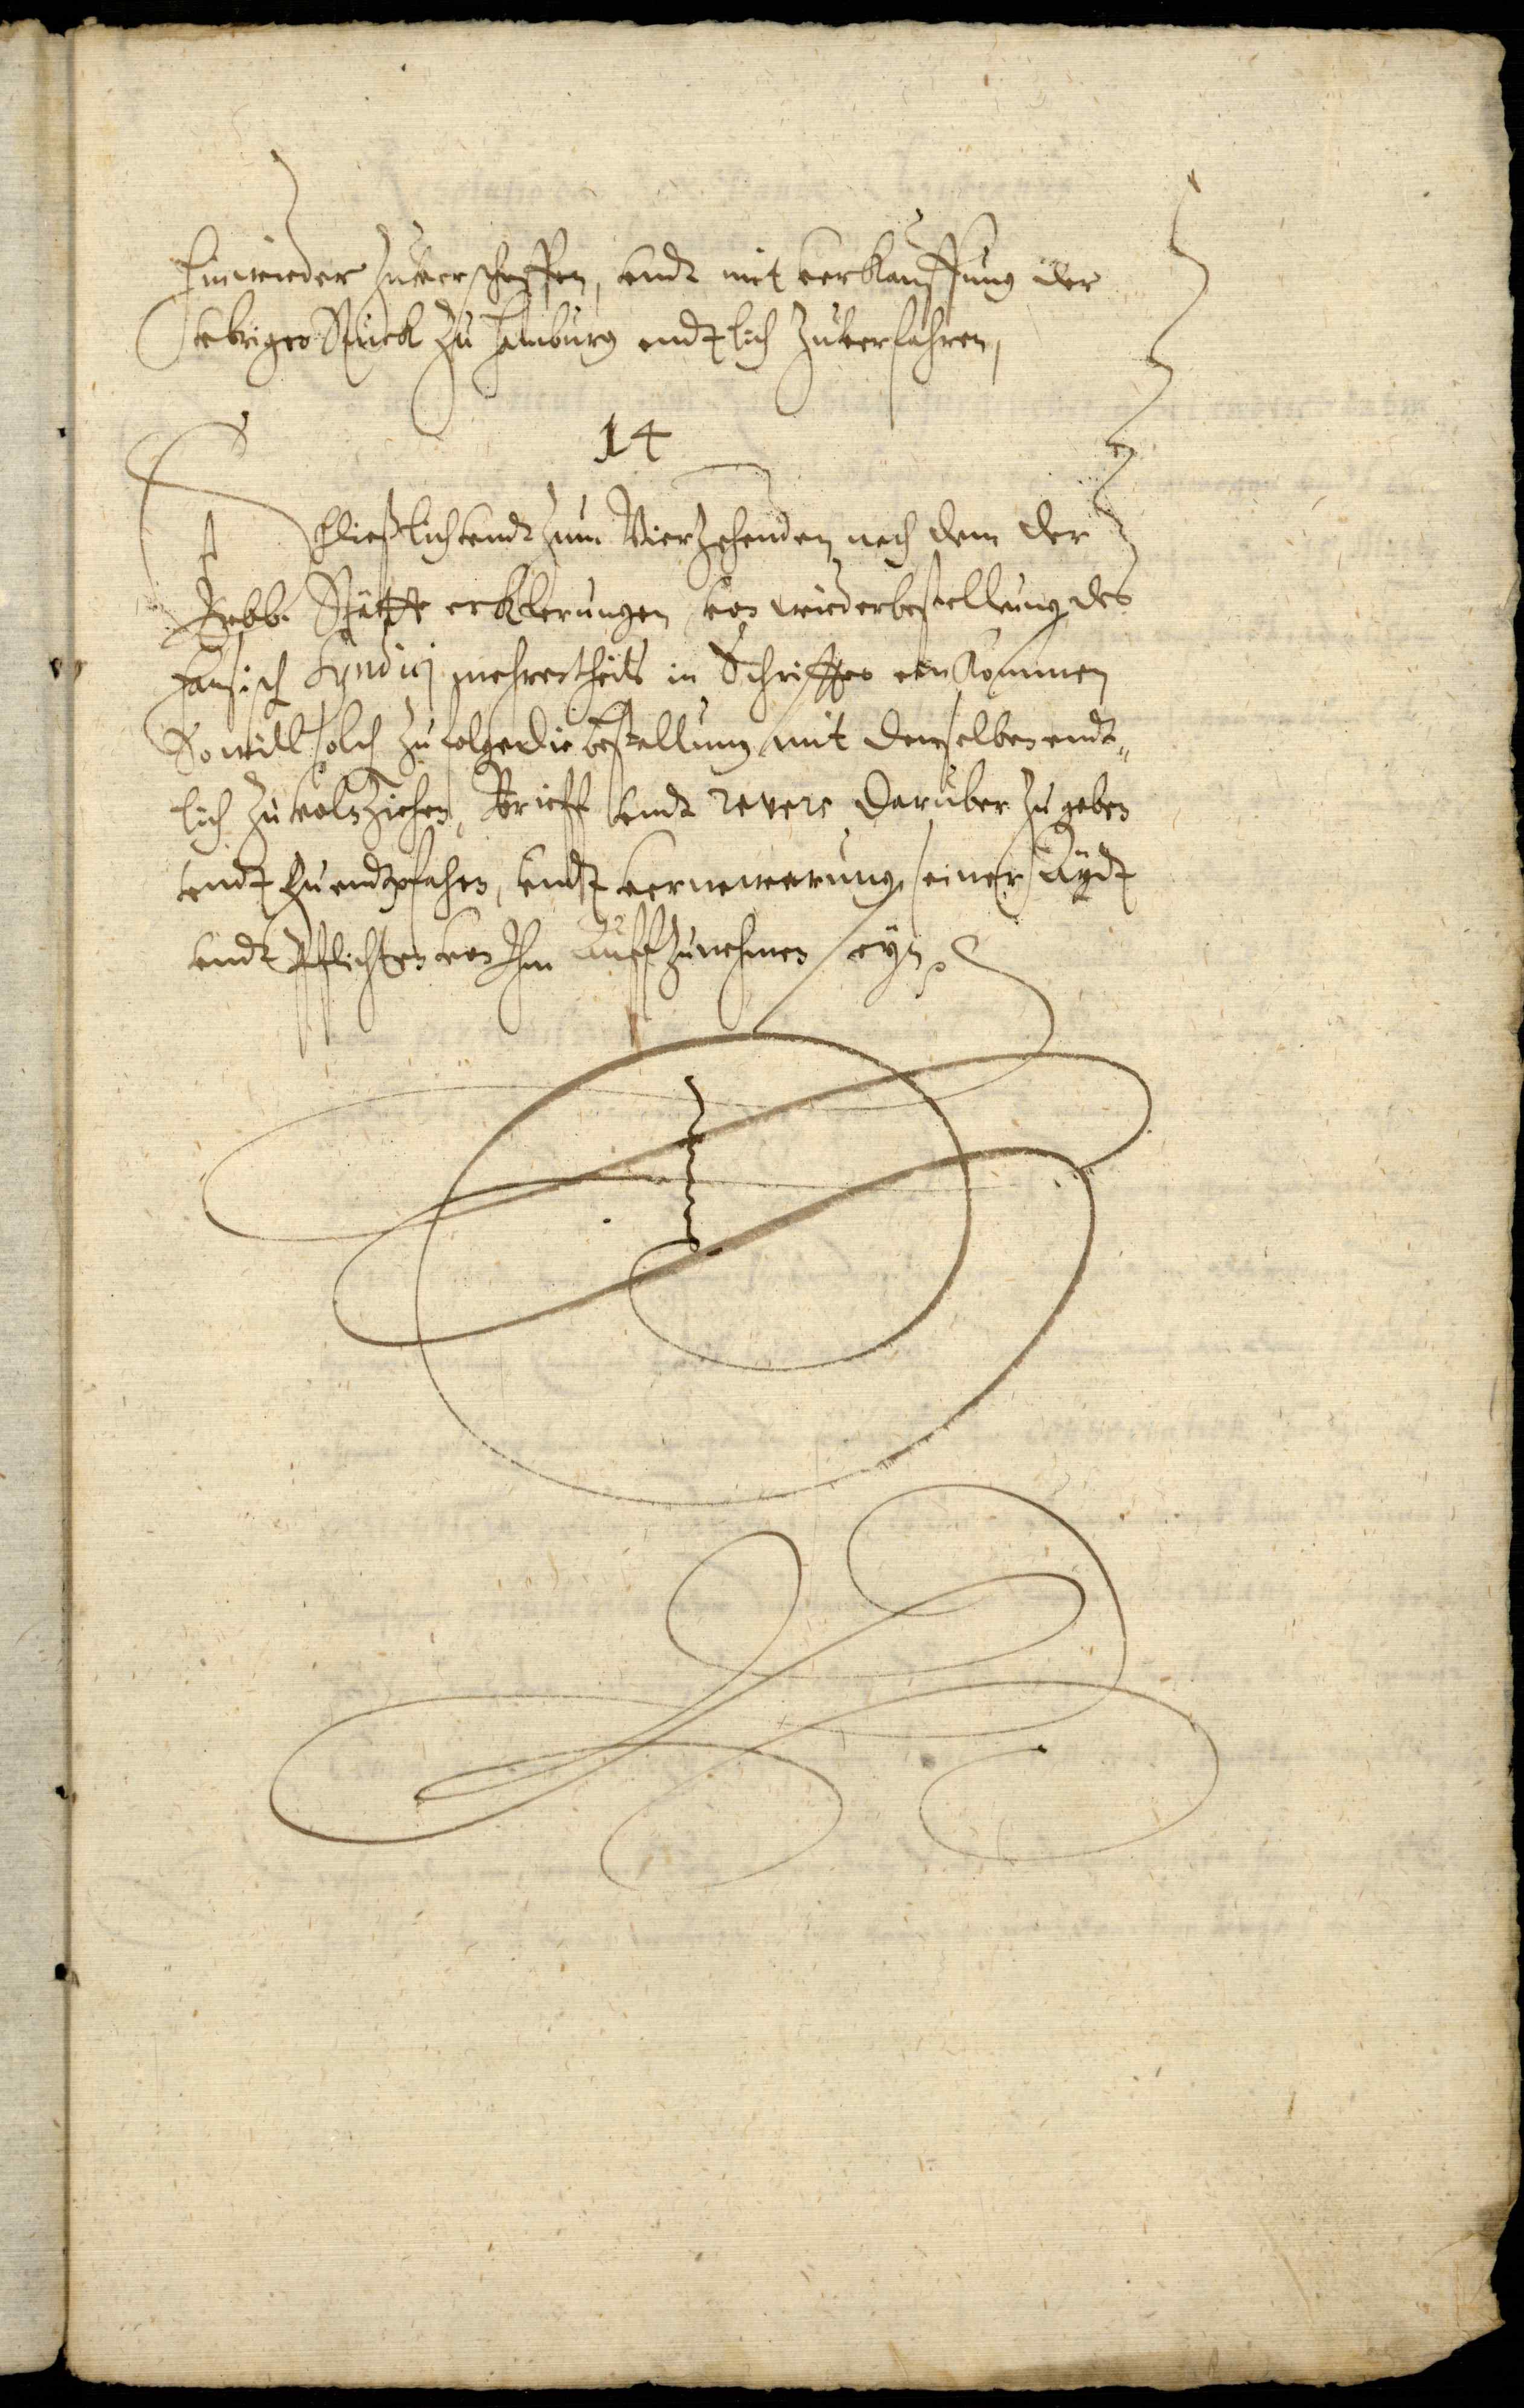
hinwieder zuverschaffen, vndt mit verkauffung der
vbrigen Stuck zu hamburg endtlich zuverfahren,
14
Schließlich vndt zum Vierzehenden nach dem der
Erbb. Stätt erklerungen, von wiederbestellung des
hansischen Syndicj mehrentheils in Schrifften einkommen
So will solch zufolge die bestellung mit demselben endt¬
lich zu volnziehen, Brieff vndt revers daruber zu geben
vndt zu endtpfahen, vndt vernewerung seiner Aijdt
vndt Pflichten von Ihm Auffzunehmen seijn p
